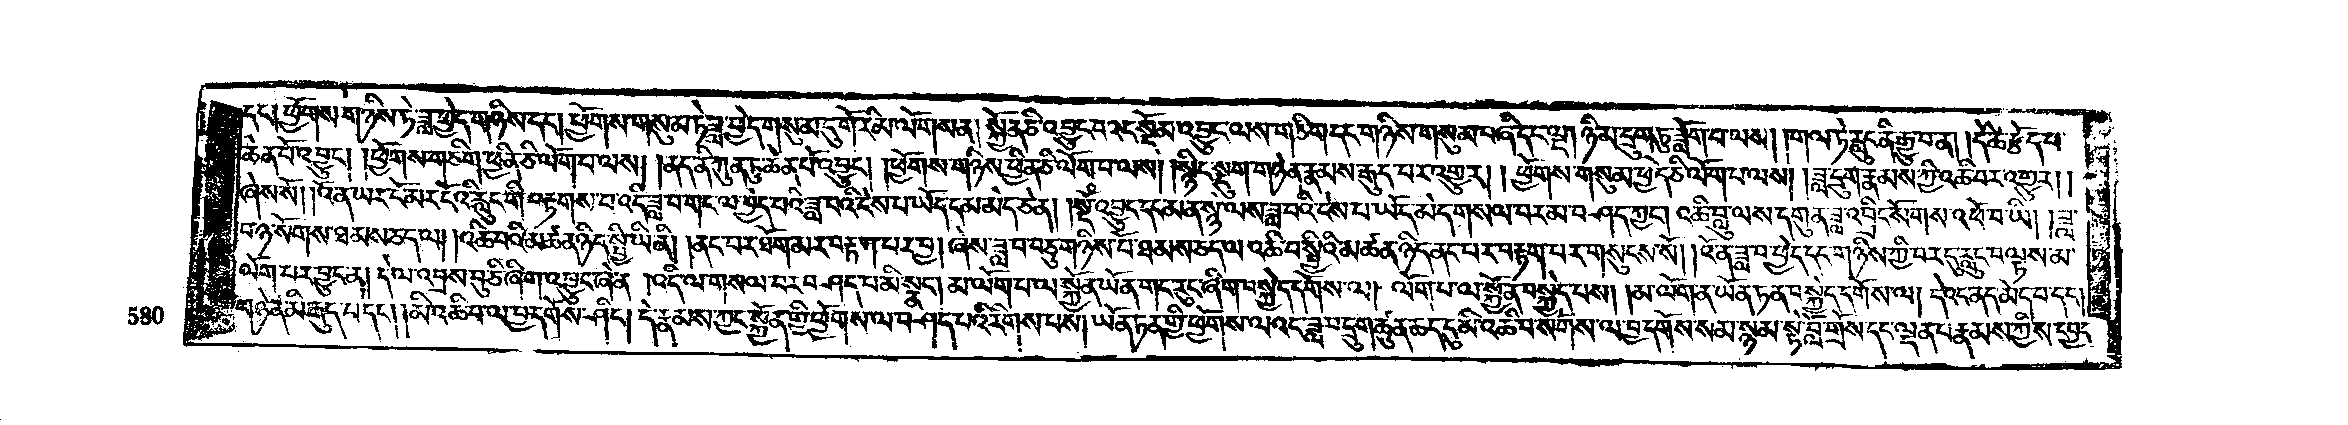དང་། ཕྱོགས་གཉིས་ཏེ་ཟླ་ཕྱེད་གཉིས་དང་། ཕྱོགས་གསུམ་ཏེ་ཟླ་ཕྱེད་གསུམ་དུ་གོ་རིམ་ལོགས་ན། སྐྱོན་ཅི་འབྱུང་བའང་སྡོམ་འབྱུང་ལས་གཅིག་དང་གཉིས་གསུམ་བཞི་དང་ལྔ། ཉི་མ་དྲུག་ཏུ་ཟློག་པ་ལས། །གལ་ཏེ་རླུང་ནི་རྒྱུ་བ་ན། །དེ་ཚེ་རྩོད་པ་
ཆེན་པོ་འབྱུང་། །ཕྱོགས་གཅིག་ཕྱིན་ཅི་ལོག་པ་ལས། །ནད་ནི་ཀུན་ཏུ་ཆེན་པོ་འབྱུང་། །ཕྱོགས་གཉིས་ཕྱིན་ཅི་ལོག་པ་ལས། །སྙིང་སྡུག་གཉེན་རྣམས་རྒུད་པར་འགྱུར། །ཕྱོགས་གསུམ་ཕྱེད་ཅི་ལོག་པ་ལས། །ཟླ་དྲུག་རྣམས་ཀྱི་འཆི་བར་འགྱུར། །
ཞེས་སོ། །འོ་ན་ཡར་ངོ་མར་ངོའི་རླུང་གི་བརྟགས་པ་འདི་ཟླ་བ་གང་ལ་ཕྱེད་པའི་ཟླ་བའི་ངེས་པ་ཡོད་དམ་མེད་ཅེ་ན། །སྡོམས་འབྱུང་དང་མན་སྙེ་ལས་ཟླ་བའི་ངེས་པ་ཡོད་མེད་གསལ་བར་མ་བཤད་ཀྱང་། འཆི་བླུ་ལས་དགུ་ན་ཟླ་འབྲིང་སོགས་འཕོ་བ་ཡི། །ཟླ་
བ་ཉ་སོགས་ཐམས་ཅད་ལ། །འཆི་བའི་མཚན་ཉིད་སྤྱི་ཡི་ནི། །ནང་པར་ཐོག་མར་བརྟག་པར་བྱ། ཞེས་ཟླ་བ་བཅུ་གཉིས་པོ་ཐམས་ཅད་ལ་འཆི་བ་སྤྱིའི་མཚན་ཉིད་ནང་པར་བརྟག་པར་གསུངས་སོ། །འོ་ན་ཟླ་བ་ཕྱེད་དང་གཉིས་ཀྱི་བར་དུ་རླུང་བལྟས་མ་
ལོག་པར་བྱུང་ན། དེ་ལ་འབྲས་བུ་ཅི་ཞིག་འབྱུང་ཞེ་ན། འདི་ལ་གསལ་བར་བཤད་པ་མི་སྣང་། མ་ལོག་པ་ལ་སྐྱོན་ཡོན་གང་རུང་ཞིག་བསྐྱེད་དགོས་ལ། ལོག་པ་ལ་སྐྱོན་བསྐྱེད་པས། །མ་ལོག་ན་ཡོན་ཏན་བསྐྱེད་དགོས་ལ། དེའང་ནད་མེད་པ་དང་།
གཉེན་མི་རྒུད་པ་དང་། །མི་འཆི་བ་ལ་བྱ་དགོས་ཤིང་། དེ་རྣམས་ཀྱང་སྐྱོན་གྱི་ཕྱོགས་ལ་བཤད་པའི་རིགས་པས། ཡོན་ཏན་གྱི་ཕྱོགས་ལའང་ཟླ་བ་དྲུག་ཚུན་ཆད་དུ་མི་འཆི་བ་སོགས་ལ་བྱ་དགོས་སམ་སྙམ་སྟེ་བློ་གྲོས་དང་ལྡན་པ་རྣམས་ཀྱིས་དཔྱད་